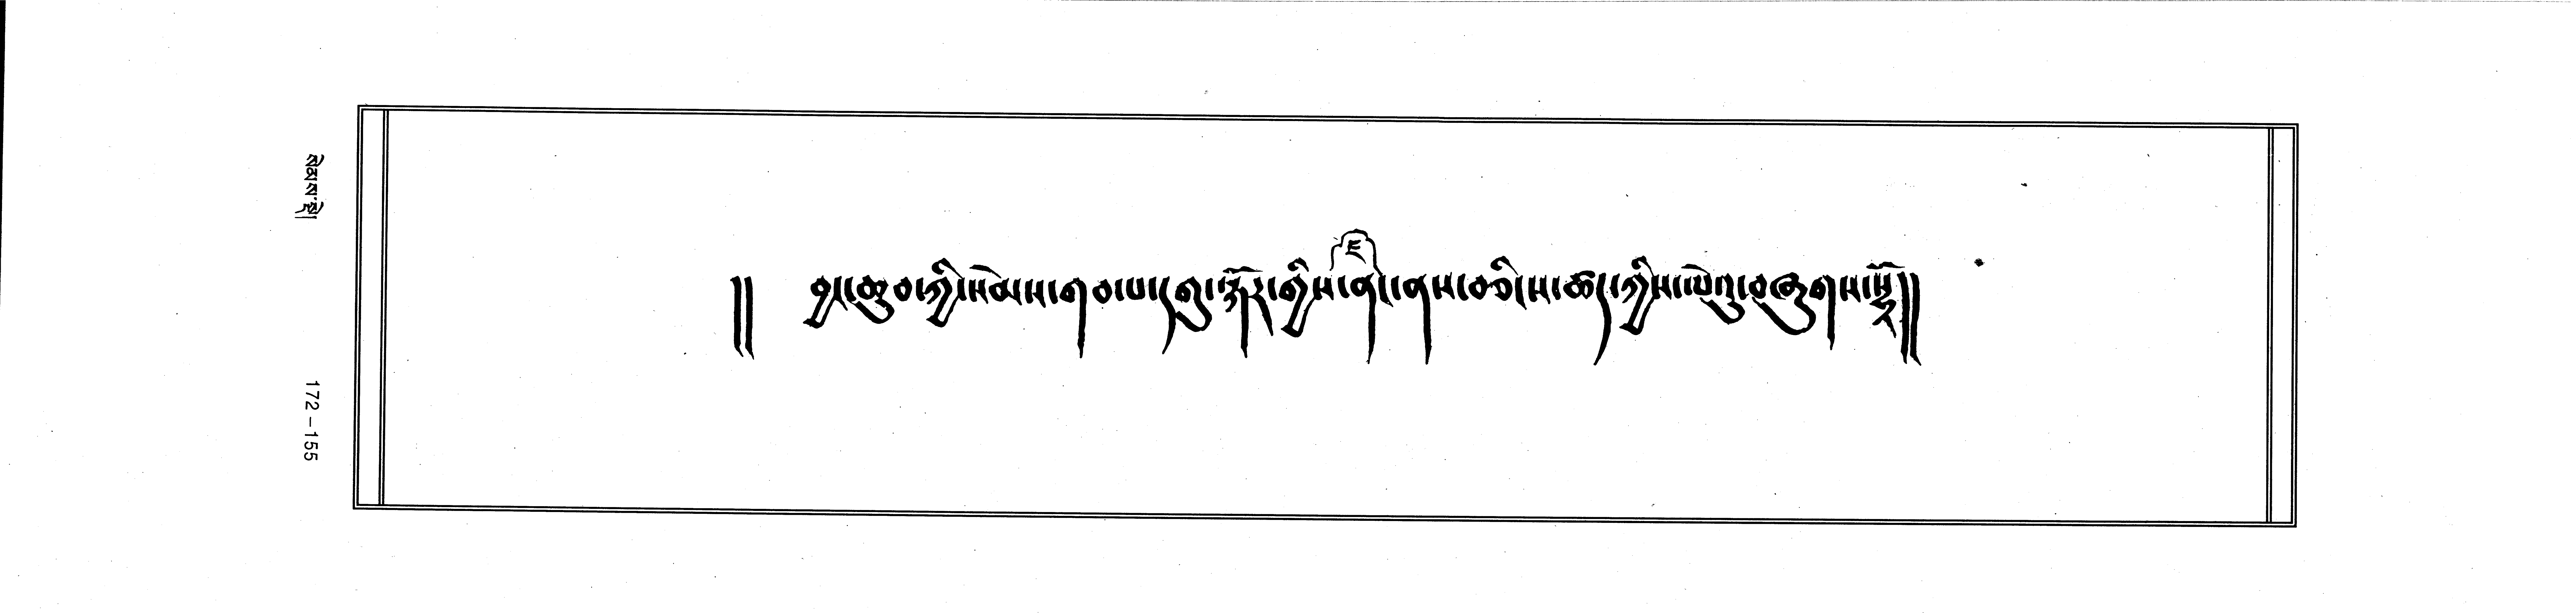།། བྱང་ཆུབ་ཀྱི་སེམས་གབ་པ་དགུ་སྐོར་གྱིས་ནང་ནས་བཅིངས་ཚད་ཀྱིས་ལེའུ་བཞུགས་སྷཱོ།།